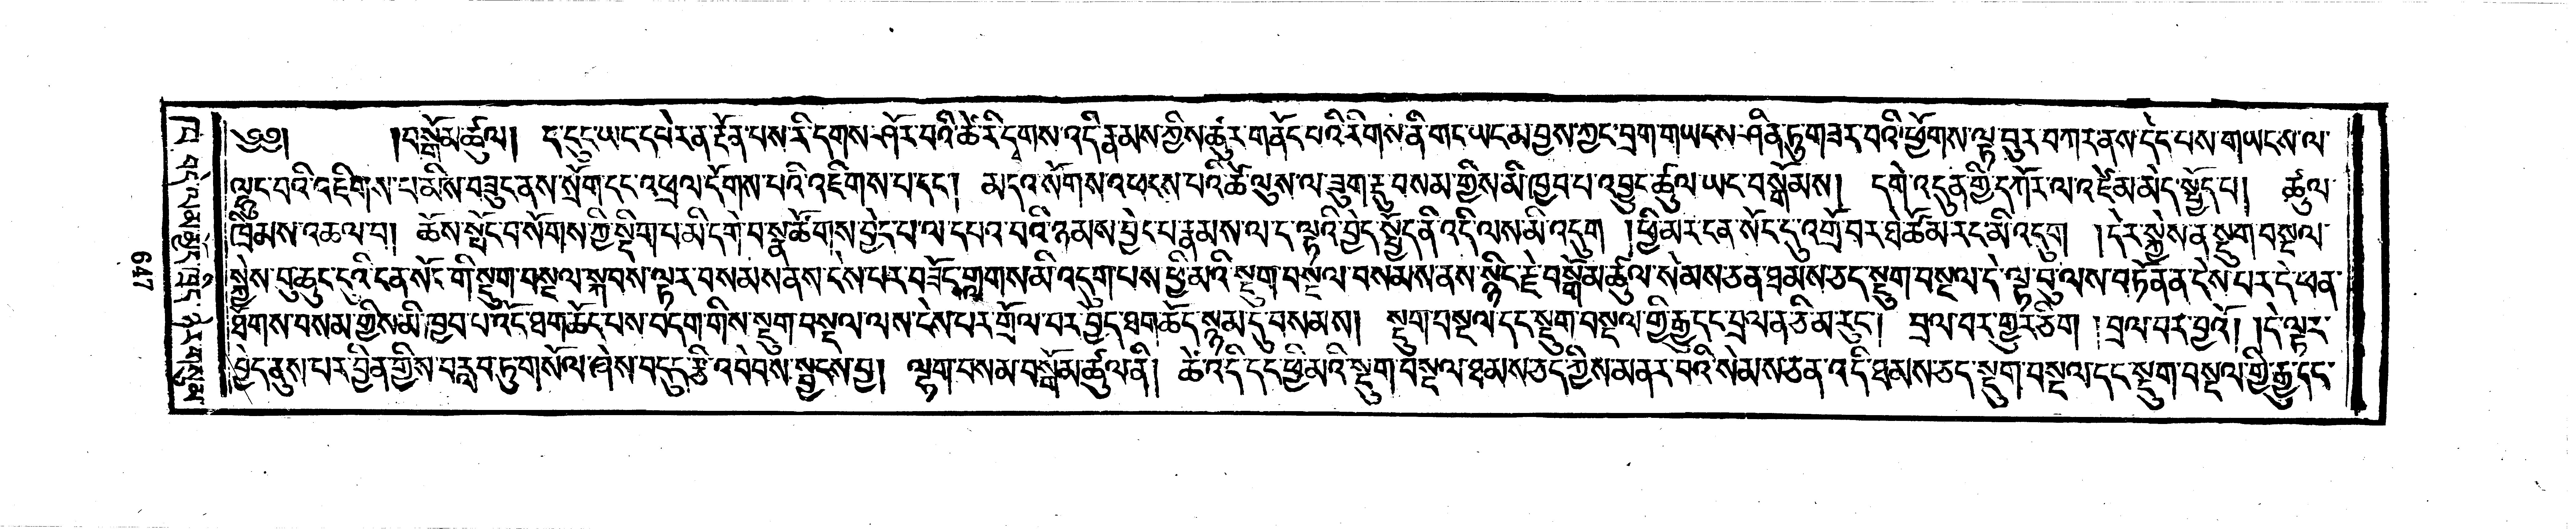༄༅། །བསྒོམ་ཚུལ། ད་དུང་ཡང་དཔེར་ན་རྡོན་པས་རི་དགས་ཤོར་བའི་ཚེ་རི་དྭགས་འདི་རྣམས་ཀྱིས་ཚུར་གནོད་པའི་རིགས་ནི་གང་ཡང་མ་བྱས་ཀྱང་བྲག་གཡངས་ཤིན་ཏུ་གཟར་བའི་ཕྱོགས་ལྟ་བུར་བཀར་ནས་དེད་པས་གཡངས་ལ་
ལྷུང་བའི་འཇིགས་པ་མིས་བཟུང་ནས་སྲོག་དང་འཕྲལ་དོགས་པའི་འཇིགས་པ་དང་། མདའ་སོགས་འཕངས་པའི་ཚེ་ལུས་ལ་ཟུག་རྡུ་བསམ་གྱིས་མི་ཁྱབ་པ་འབྱུང་ཚུལ་ཡང་བསྒོམས། དགེ་འདུན་གྱི་དཀོར་ལ་འཛེམ་མེད་སྤྱོད་པ། ཚུལ་
ཁྲིམས་འཆལ་བ། ཆོས་སྤོང་བ་སོགས་ཀྱི་སྡིག་པ་མི་དགེ་བ་སྣ་ཚོགས་བྱེད་པ་ལ་དཔའ་བའི་ཉམས་བྱེད་པ་རྣམས་ལ་ད་ལྟའི་བྱེད་སྤྱོད་ནི་འདི་ལས་མི་འདུག །ཕྱི་མར་ངན་སོང་དུ་འགྲོ་བར་ཐེ་ཚོམ་རང་མི་འདུག །དེར་སྐྱེས་ན་སྡུག་བསྔལ་
སྐྱེས་བུ་ཆུང་དུའི་ངན་སོང་གི་སྡུག་བསྔལ་སྐབས་ལྟར་བསམས་ནས་ངེས་པར་བཟོད་གླགས་མི་འདུག་པས་ཕྱི་མའི་སྡུག་བསྔལ་བསམས་ནས་སྙིང་རྗེ་བསྒོམ་ཚུལ་སེམས་ཅན་ཐམས་ཅད་སྡུག་བསྔལ་དེ་ལྟ་བུ་ལས་བཏོན་ན་དེས་པར་དེ་ཕན་
ཐོགས་བསམ་གྱིས་མི་ཁྱབ་པ་འོད་ཐག་ཆོད་པས་བདག་གིས་སྡུག་བསྔལ་ལས་ངེས་པར་གྲོལ་བར་བྱེད་ཐག་ཆོད་སྙམ་དུ་བསམས། སྡུག་བསྔལ་དང་སྡུག་བསྔལ་གྱི་རྒྱུ་དང་བྲལ་ན་ཅི་མ་རུང་། བྲལ་བར་གྱུར་ཅིག །བྲལ་བར་བྱའོ། །དེ་ལྟར་
བྱེད་ནུས་པར་བྱིན་གྱིས་བརླབ་ཏུ་གསོལ་ཞེས་བདུད་རྩི་འབེབས་སྦྱངས་བྱ། ལྷག་བསམ་བསྒོམ་ཚུལ་ནི། ཚེ་འདི་དང་ཕྱི་མའི་སྡུག་བསྔལ་ཐམས་ཅད་ཀྱིས་མནར་བའི་སེམས་ཅན་འདི་ཐམས་ཅད་སྡུག་བསྔལ་དང་སྡུག་བསྔལ་གྱི་རྒྱུ་དང་